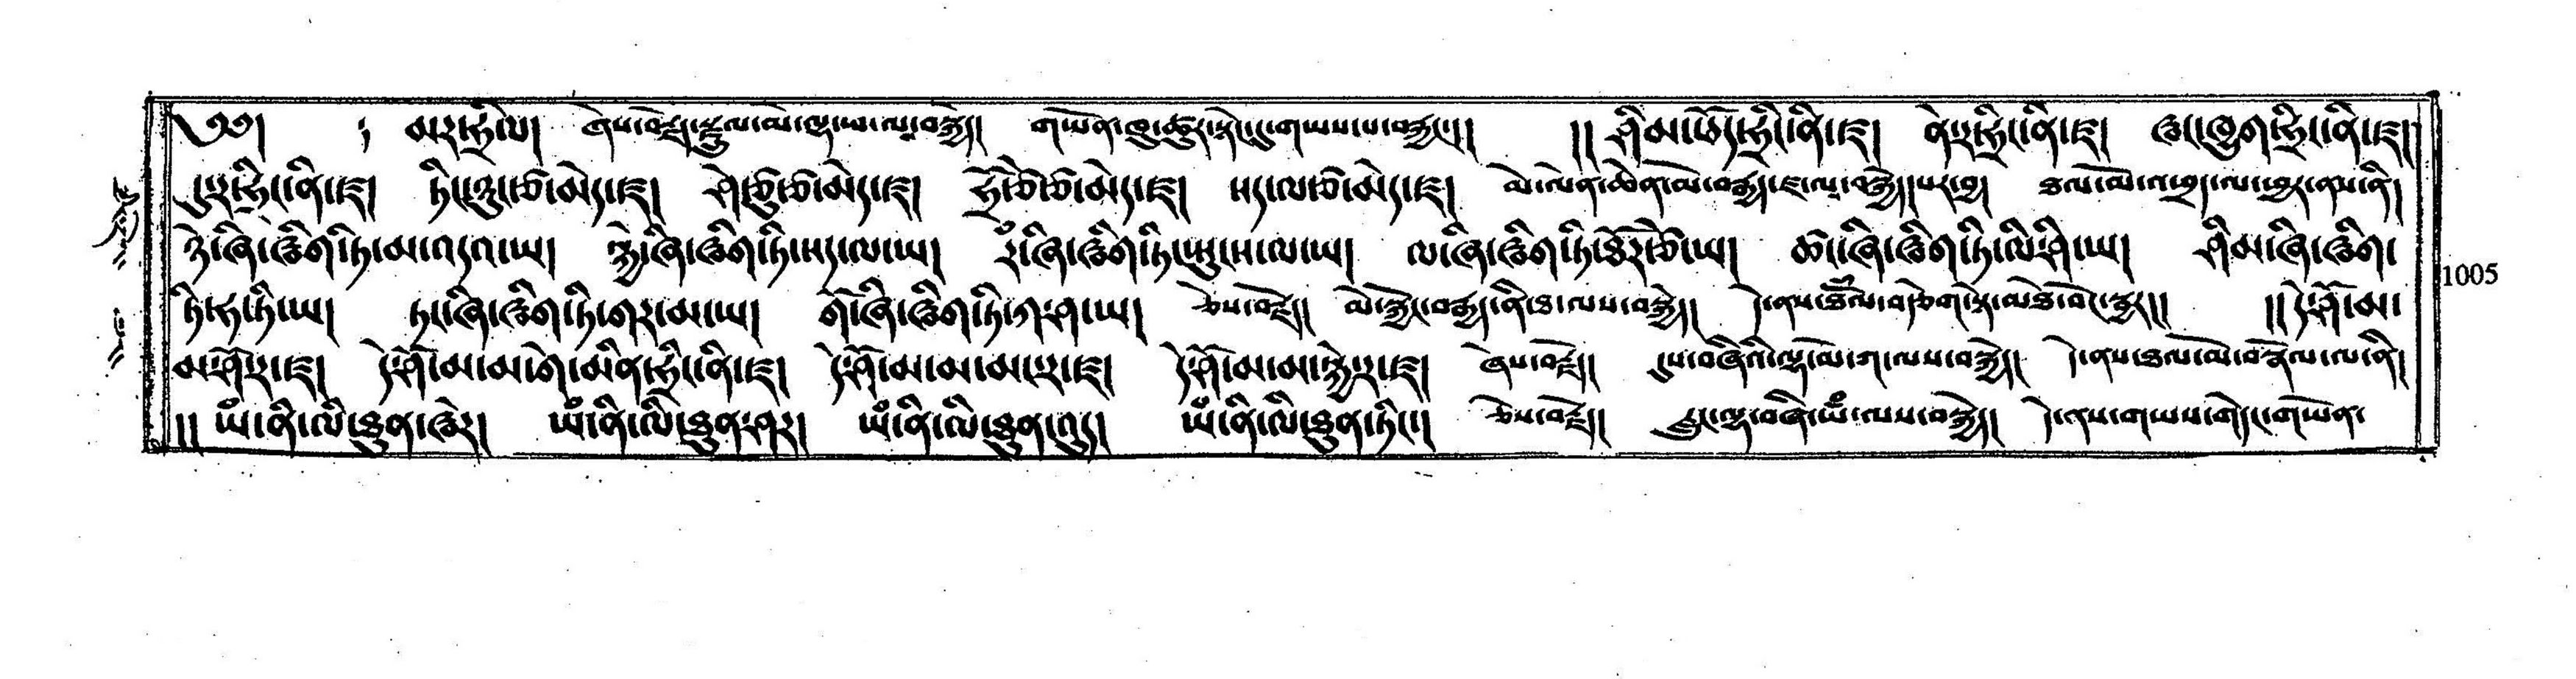མར་ཧྲིལ། ཞེས་བརྗོད་རྫུ་འཕྲུལ་མེ་ལྷ་ཡ་ལས་བསྐྱེད། གཡོན་ཁུ་ཚུར་སྟེང་དུ་གཡས་པ་བརྐྱང་།། །།ཤིམ་ཕོད་ཧྲིང་ནི་ཛ། ནེ་ར་ཧྲིང་ནི་ཛ། ཝང་ཁྱུག་ཧྲིང་ནི་ཛ། 
དུ་ར་ཧྲིང་ནི་ཛ། ཏིང་ཉུང་ཙ་མེད་ཛ། ཤེ་ཙུ་ཙ་མེད་ཛ། ཧྲོ་ཙེ་ཙ་མེད་ཛ། སད་ལ་ཙ་མེད་ཛ། མེ་ལེན་ཆེན་མོ་བརྒྱད་ཛ་ལྭ་བསྐྱེད་པར་བྱ། ཐལ་མོ་འཕྲད་ལ་ཕྱར་ནས་ནི། །
ཉེ་ཞི་ཝིག་ཏི་མ་འདའ་ཡ། སྐྱེ་ཞི་ཝིག་ཏི་སད་ལ་ཡ། རཾ་ཞི་ཝིག་ཏི་སྤུངས་ལ་ཡ། ལ་ཞི་ཝིག་ཏི་ཐོར་ཙེ་ཡ། ཚང་ཞི་ཝིག་ཏི་ལི་ཤི་ཡ། ཤིམ་ཞི་ཝིག་
ཏི་ཧ་ཏི་ཡ། ཏང་ཞི་ཝིག་ཏི་གར་མ་ཡ། གོ་ཞི་ཝིག་ཏི་ཀ་ཤ་ཡ། ཅེས་བརྗོད། མེ་སྐྱོང་བརྒྱད་ནི་ཐ་ལས་བསྐྱེད། དེ་ནས་ཐལ་མོ་བརྩེག་སྟེ་མཐེ་བོང་སྦྱར།། །།དེ་ཤོ་མ་
མ་ཤོ་ར་ཛ། དེ་ཤོ་མ་མ་གེ་མིན་ཧྲིང་ནི་ཛ། དེ་ཤོ་མ་མ་མང་ར་ཛ། དེ་ཤོ་མ་མ་སྐྱེ་ར་ཛ། ཞེས་བརྗོད། དུས་བཞིའི་ལྷ་མོ་ཀ་ལས་བསྐྱེད། དེ་ནས་ཐལ་མོ་བསྣོལ་ལ་ནི། 
།།ཡཾ་ནི་ལི་ཐུན་ཝེར། ཡཾ་ནི་ལི་ཐུན་ཤར། ཡཾ་ནི་ལི་ཐུན་འདུ། ཡཾ་ནི་ལི་ཐུན་ཏིང་། ཅེས་བརྗོད། རླུང་ལྷ་བཞི་ཡྃ་ལས་བསྐྱེད། དེ་ནས་གཡས་གདེང་གཡོན་